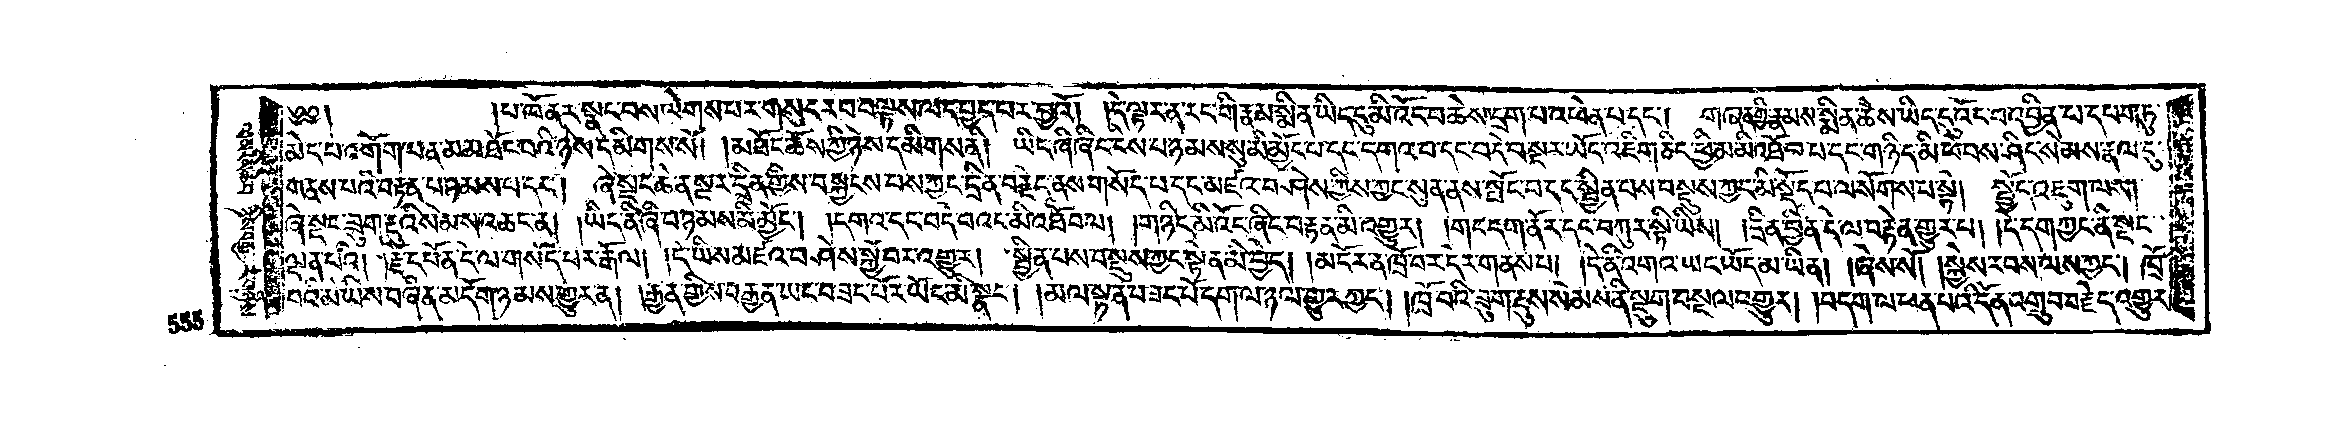༄༅། །པ་ཁོ་ནར་སྣང་བས་ལེགས་པར་གསུང་རབ་བལྟས་ལ་དཔྱད་པར་བྱའོ། །དེ་ལྟར་ན་རང་གི་རྣམ་སྨིན་ཡིད་དུ་མི་འོང་བ་ཆེས་དྲག་པ་འཕེན་པ་དང་། གཞན་གྱི་རྣམ་སྨིན་ཆེས་ཡིད་དུ་འོང་བ་འབྱིན་པ་དཔག་ཏུ་
མེད་པ་འགོག་པ་ནི་མ་མཐོང་བའི་ཉེས་དམིགས་སོ། །མཐོང་ཆོས་ཀྱི་ཉེས་དམིགས་ནི། ཡིད་ཞི་ཞིང་ངེས་པ་ཉམས་སུ་མི་མྱོང་བ་དང་དགའ་བ་དང་བདེ་བ་སྔར་ཡོད་འཇིག་ཅིང་ཕྱི་མ་མི་འཐོབ་པ་དང་གཉིད་མི་ཕེབས་ཤིང་སེམས་རྣལ་དུ་
གནས་པའི་བརྟན་པ་ཉམས་པ་དང་། ཞེ་སྡང་ཆེན་སྔར་དྲིན་གྱིས་བསྐྱངས་པས་ཀྱང་དྲིན་བརྗེད་ནས་གསོད་པ་དང་མཛའ་བཤེས་ཀྱིས་ཀྱང་སུན་ནས་སྤོང་བ་དང་སྦྱིན་པས་བསྡུས་ཀྱང་མི་སྡོད་པ་ལ་སོགས་པ་སྟེ། སྤྱོད་འཇུག་ལས།
ཞེ་སྡང་ཟུག་རྔུའི་སེམས་འཆང་ན། །ཡིད་ནི་ཞི་བ་ཉམས་མི་མྱོང་། །དགའ་དང་བདེ་བའང་མི་འཐོབ་ལ། །གཉིད་མི་འོང་ཞིང་བརྟན་མི་འགྱུར། །གང་དག་ནོར་དང་བཀུར་སྟི་ཡིས། །དྲིན་བྱིན་དེ་ལ་བརྟེན་གྱུར་པ། །དེ་དག་ཀྱང་ནི་སྡང་
ལྡན་པའི། །རྗེ་དཔོན་དེ་ལ་གསོད་པར་རྒོལ། །དེ་ཡིས་མཛའ་བཤེས་སྐྱོ་བར་འགྱུར། །སྦྱིན་པས་བསྡུས་ཀྱང་སྟེན་མི་བྱེད། །མདོར་ན་ཁྲོ་བ་བདེར་གནས་པ། །དེ་ནི་འགའ་ཡང་ཡོད་མ་ཡིན། །ཞེས་སོ། །སྐྱེས་རབས་ལས་ཀྱང་། ཁྲོ་
བའི་མེ་ཡིས་བཞིན་མདོག་ཉམས་གྱུར་ན། །རྒྱན་གྱིས་བརྒྱན་ཡང་བཟང་པོར་ཡོང་མི་སྣང་། །མལ་སྟན་བཟང་པོ་དག་ལ་ཉལ་གྱུར་ཀྱང་། །ཁྲོ་བའི་ཟུག་རྔུས་སེམས་ནི་སྡུག་བསྔལ་འགྱུར། །བདག་ལ་ཕན་པའི་དོན་འགྲུབ་བརྗེད་འགྱུར་